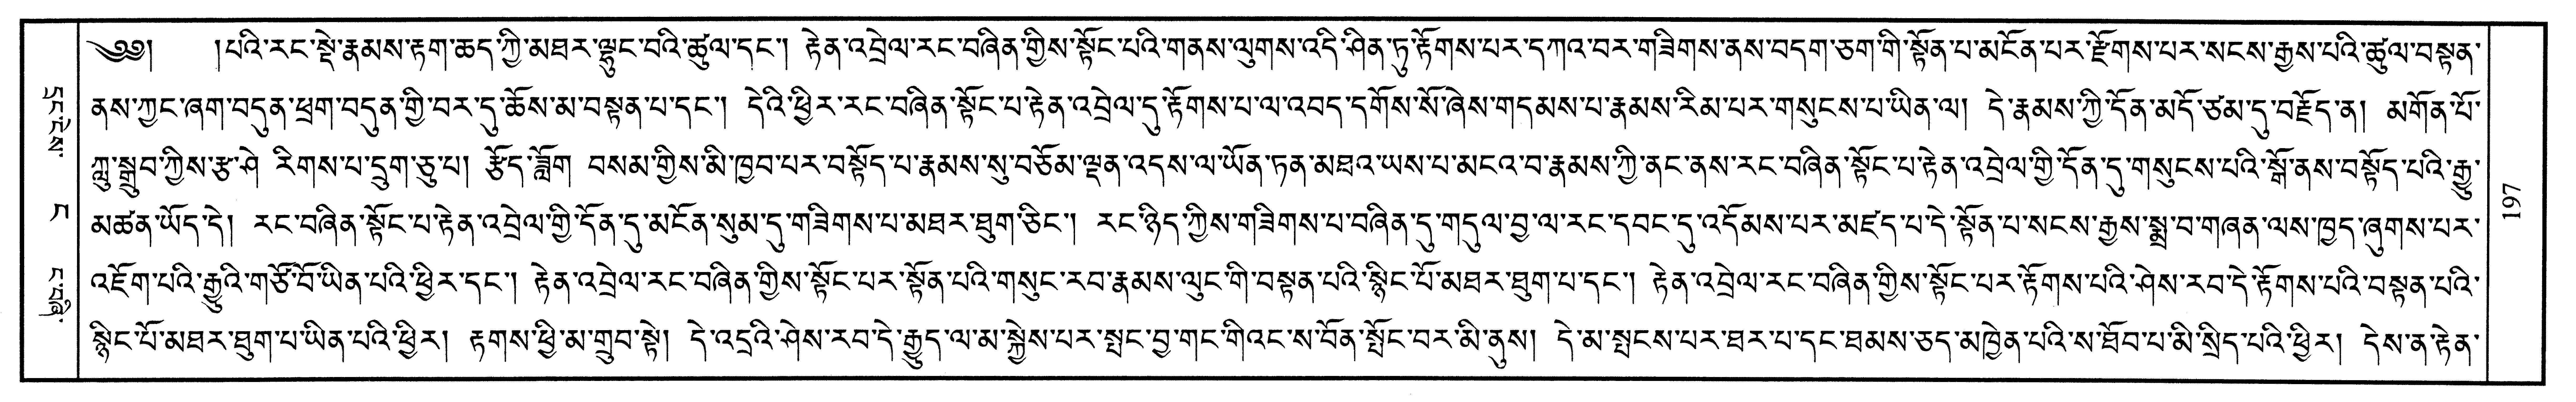༄༅། །པའི་རང་སྡེ་རྣམས་རྟག་ཆད་ཀྱི་མཐར་ལྷུང་བའི་ཚུལ་དང་། རྟེན་འབྲེལ་རང་བཞིན་གྱིས་སྟོང་པའི་གནས་ལུགས་འདི་ཤིན་ཏུ་རྟོགས་པར་དཀའ་བར་གཟིགས་ནས་བདག་ཅག་གི་སྟོན་པ་མངོན་པར་རྫོགས་པར་སངས་རྒྱས་པའི་ཚུལ་བསྟན་
ནས་ཀྱང་ཞག་བདུན་ཕྲག་བདུན་གྱི་བར་དུ་ཆོས་མ་བསྟན་པ་དང་། དེའི་ཕྱིར་རང་བཞིན་སྟོང་པ་རྟེན་འབྲེལ་དུ་རྟོགས་པ་ལ་འབད་དགོས་སོ་ཞེས་གདམས་པ་རྣམས་རིམ་པར་གསུངས་པ་ཡིན་ལ། དེ་རྣམས་ཀྱི་དོན་མདོ་ཙམ་དུ་བརྗོད་ན། མགོན་པོ་
ཀླུ་སྒྲུབ་ཀྱིས་རྩ་ཤེ་རིགས་པ་དྲུག་ཅུ་པ། རྩོད་ཟློག་བསམ་གྱིས་མི་ཁྱབ་པར་བསྟོད་པ་རྣམས་སུ་བཅོམ་ལྡན་འདས་ལ་ཡོན་ཏན་མཐའ་ཡས་པ་མངའ་བ་རྣམས་ཀྱི་ནང་ནས་རང་བཞིན་སྟོང་པ་རྟེན་འབྲེལ་གྱི་དོན་དུ་གསུངས་པའི་སྒོ་ནས་བསྟོད་པའི་རྒྱུ་
མཚན་ཡོད་དེ། རང་བཞིན་སྟོང་པ་རྟེན་འབྲེལ་གྱི་དོན་དུ་མངོན་སུམ་དུ་གཟིགས་པ་མཐར་ཐུག་ཅིང་། རང་ཉིད་ཀྱིས་གཟིགས་པ་བཞིན་དུ་གདུལ་བྱ་ལ་རང་དབང་དུ་འདོམས་པར་མཛད་པ་དེ་སྟོན་པ་སངས་རྒྱས་སྨྲ་བ་གཞན་ལས་ཁྱད་ཞུགས་པར་
འཇོག་པའི་རྒྱུའི་གཙོ་བོ་ཡིན་པའི་ཕྱིར་དང་། རྟེན་འབྲེལ་རང་བཞིན་གྱིས་སྟོང་པར་སྟོན་པའི་གསུང་རབ་རྣམས་ལུང་གི་བསྟན་པའི་སྙིང་པོ་མཐར་ཐུག་པ་དང་། རྟེན་འབྲེལ་རང་བཞིན་གྱིས་སྟོང་པར་རྟོགས་པའི་ཤེས་རབ་དེ་རྟོགས་པའི་བསྟན་པའི་
སྙིང་པོ་མཐར་ཐུག་པ་ཡིན་པའི་ཕྱིར། རྟགས་ཕྱི་མ་གྲུབ་སྟེ། དེ་འདྲའི་ཤེས་རབ་དེ་རྒྱུད་ལ་མ་སྐྱེས་པར་སྤང་བྱ་གང་གིའང་ས་བོན་སྤོང་བར་མི་ནུས། དེ་མ་སྤངས་པར་ཐར་པ་དང་ཐམས་ཅད་མཁྱེན་པའི་ས་ཐོབ་པ་མི་སྲིད་པའི་ཕྱིར། དེས་ན་རྟེན་